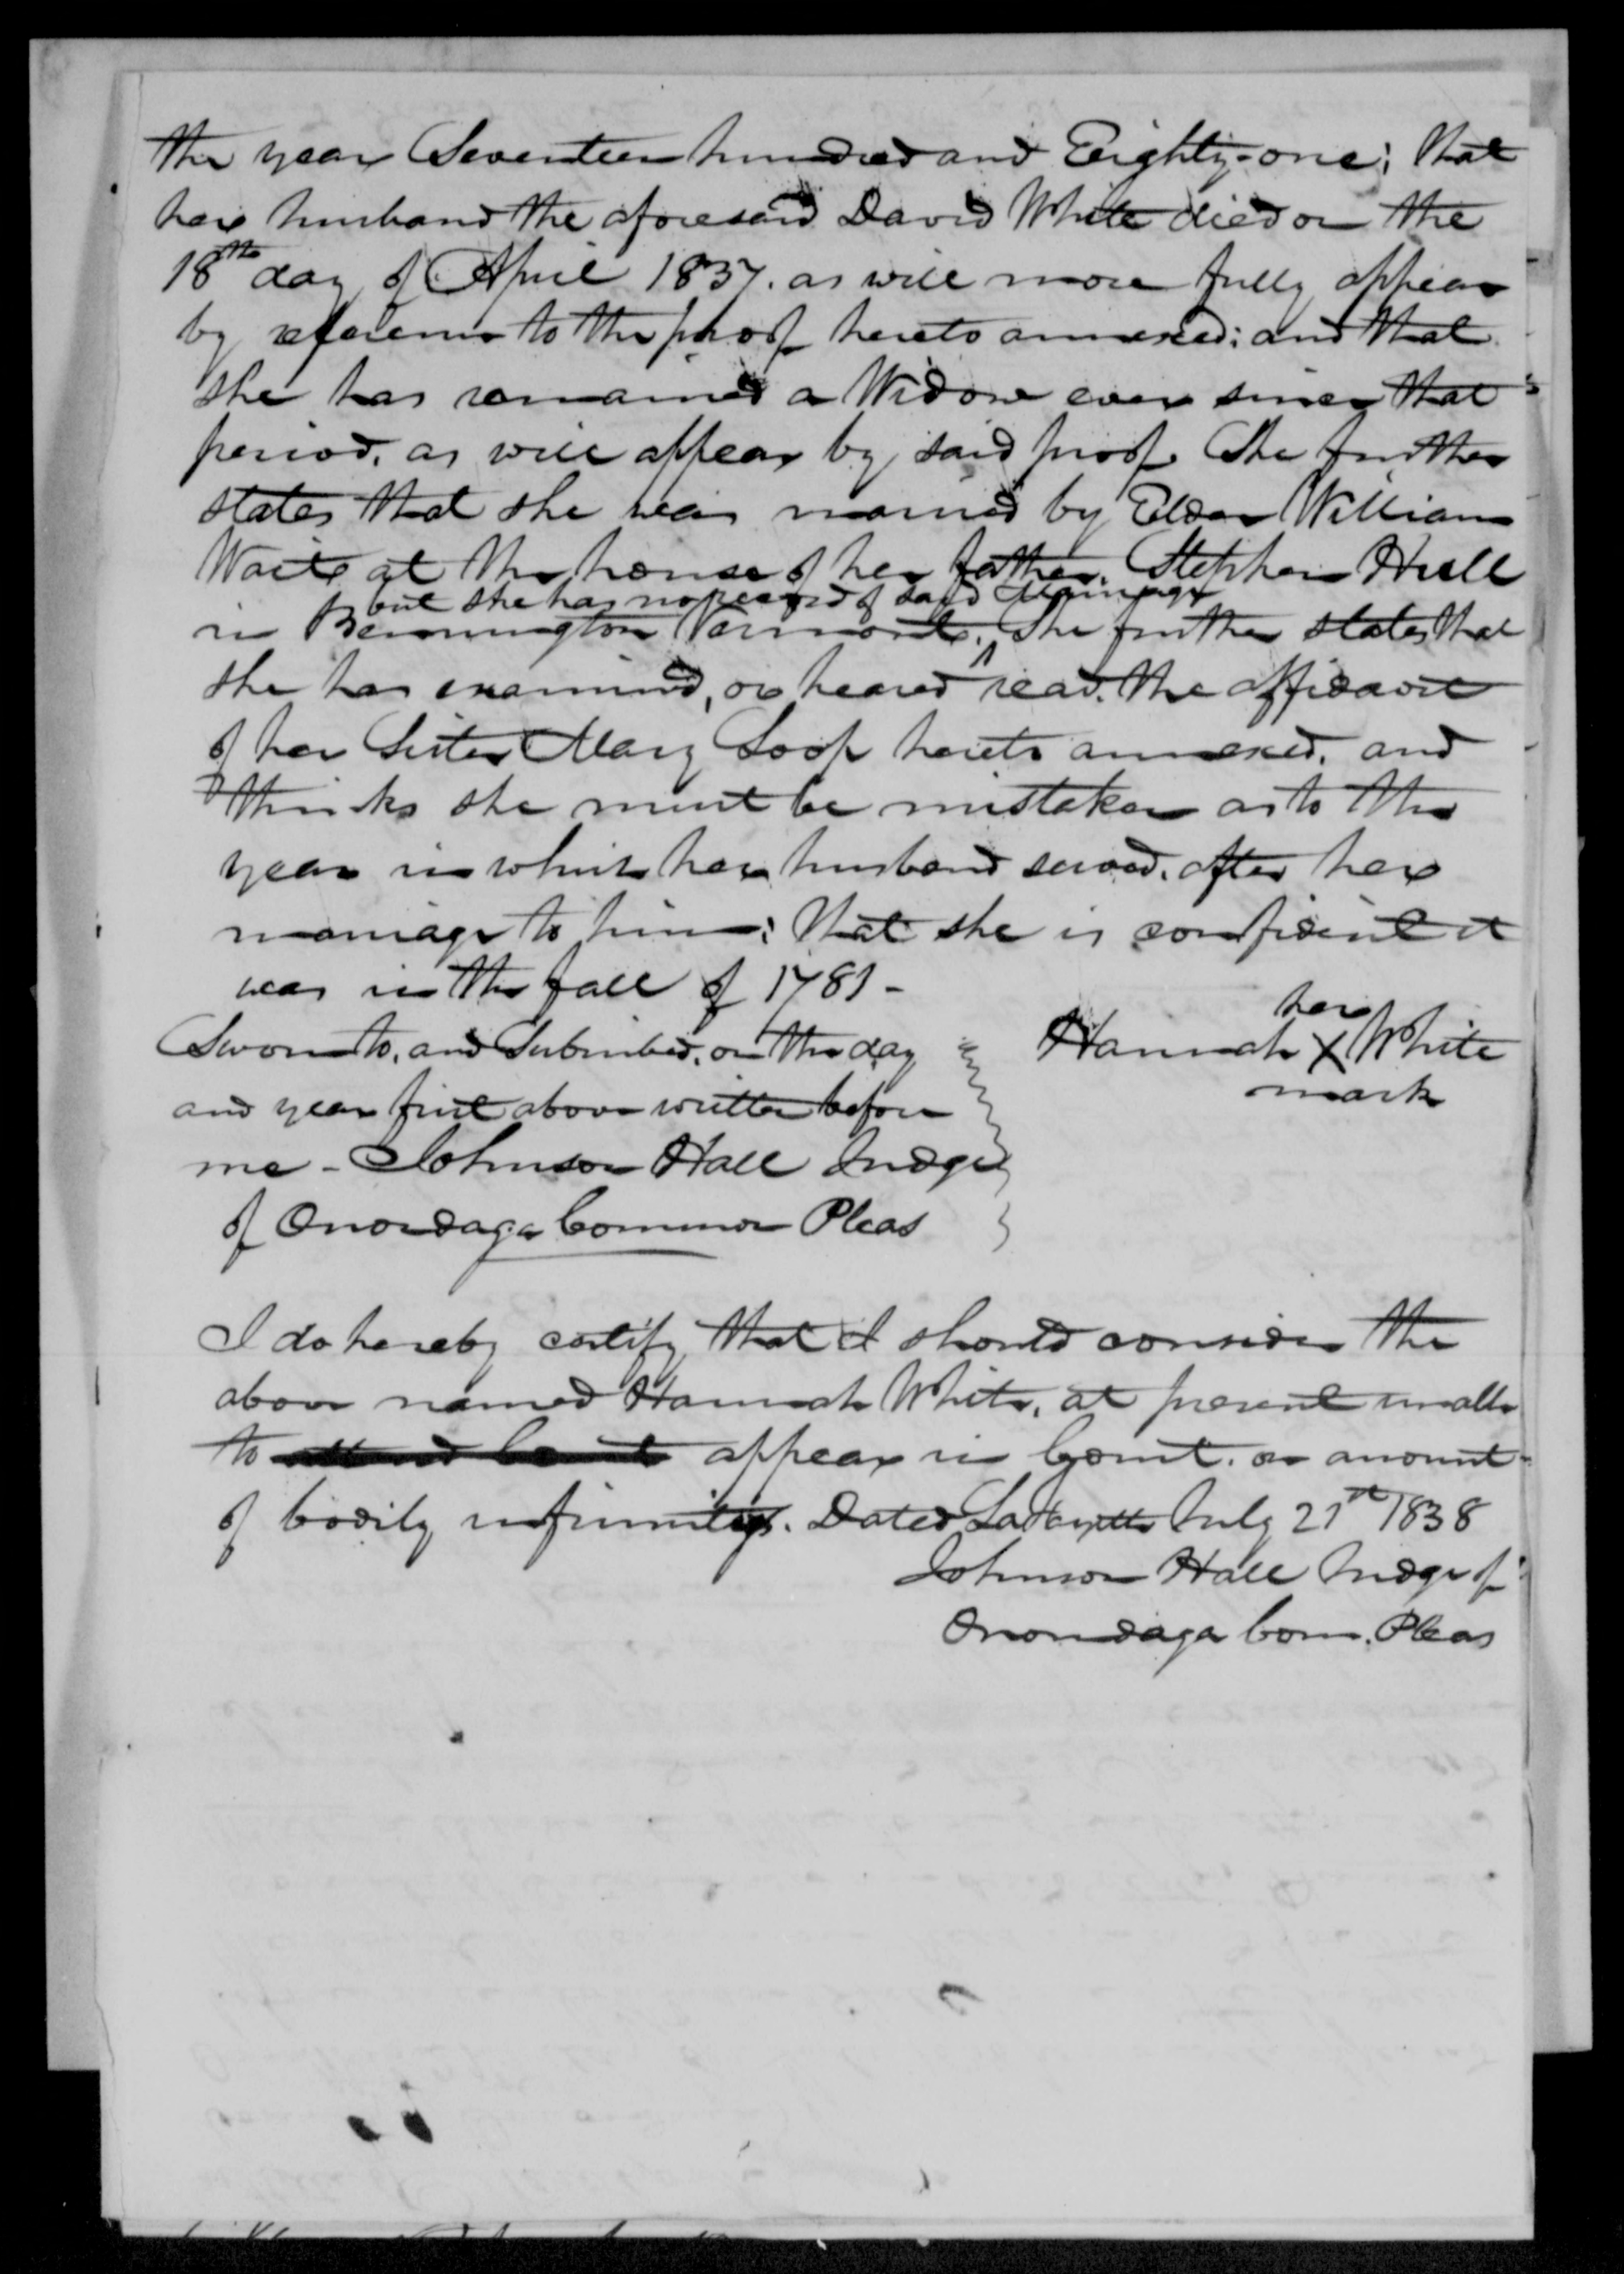the year Seventeen hundred and Eighty-one; that her husband the aforesaid David White died on the 18th day of April 1837, as will more fully appear by reference to the proof hereto annexed; and that she has remained a Widow ever since that period, as will appear by said proof. She further states that she was married by Elder William Wait at the house of her father Stephen Hull in Bennington Vermont ^but she has no record of said marriage. She further states that she has examined, or heard read the affidavit of her Sister Mary Loop hereto annexed, and thinks she must be mistaken as to the year in which her husband served after her marriage to him; that she is confident it was in the fall of 1781--

Hannah (her X mark) White

Sworn and Subscribed on this day and year first above written before me--Johnson Hall Judge of Onondaga Common Pleas

I do hereby certify that I should consider the above named Hannah White at present unable to appear in Court on account of bodily infirmity.

Dated Lafeyette July 27th 1838 Johnson Hall Judge of Onondaga Comm. Pleas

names: William Wait, David White, Hannah White, Johnson Hall, Stephen Hull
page: 13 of 63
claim: widow's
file: W. 18403, David White, Conn.